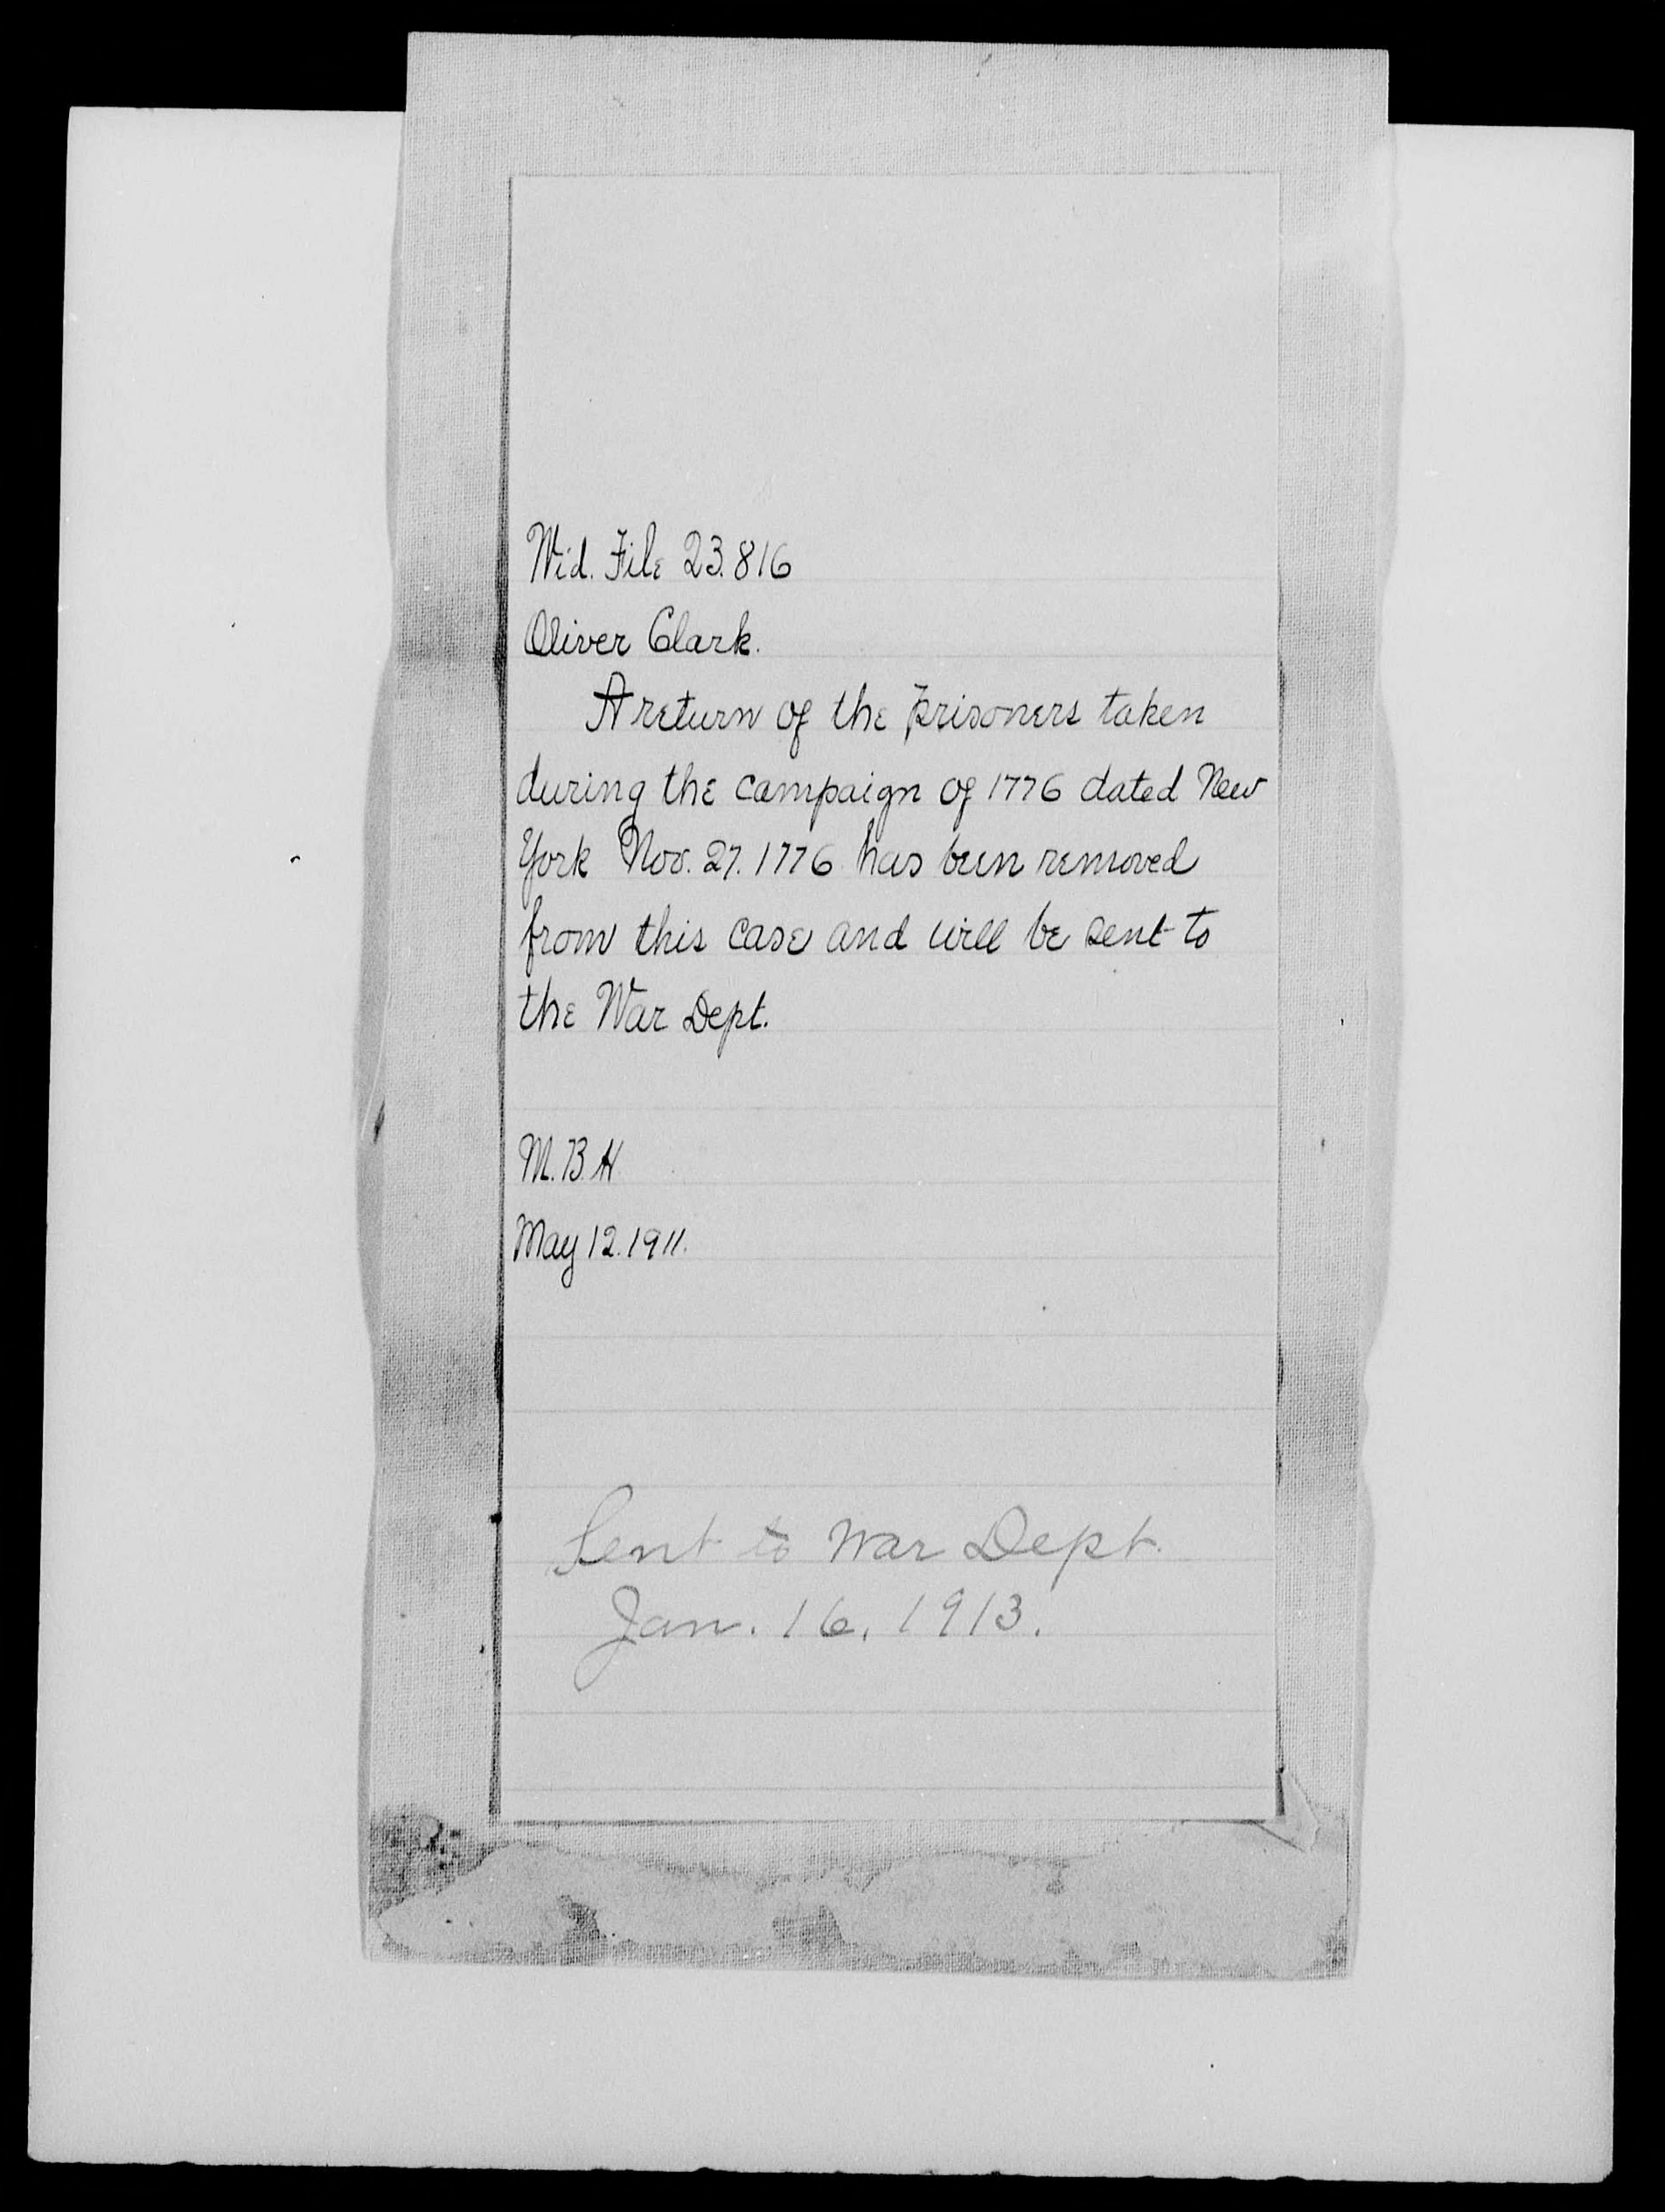[handwritten]
Wid. File 23.816
Oliver Clark.

A return of the prisoners taken during the campaign of 1776 dated New York Nov. 27 1776 has been removed from this case and will be sent to the War Dept. 

M. B. H.
May 12. 1911.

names: Oliver Clark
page: 45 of 51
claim: widow's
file: W. 23816, Oliver Clark, Conn.